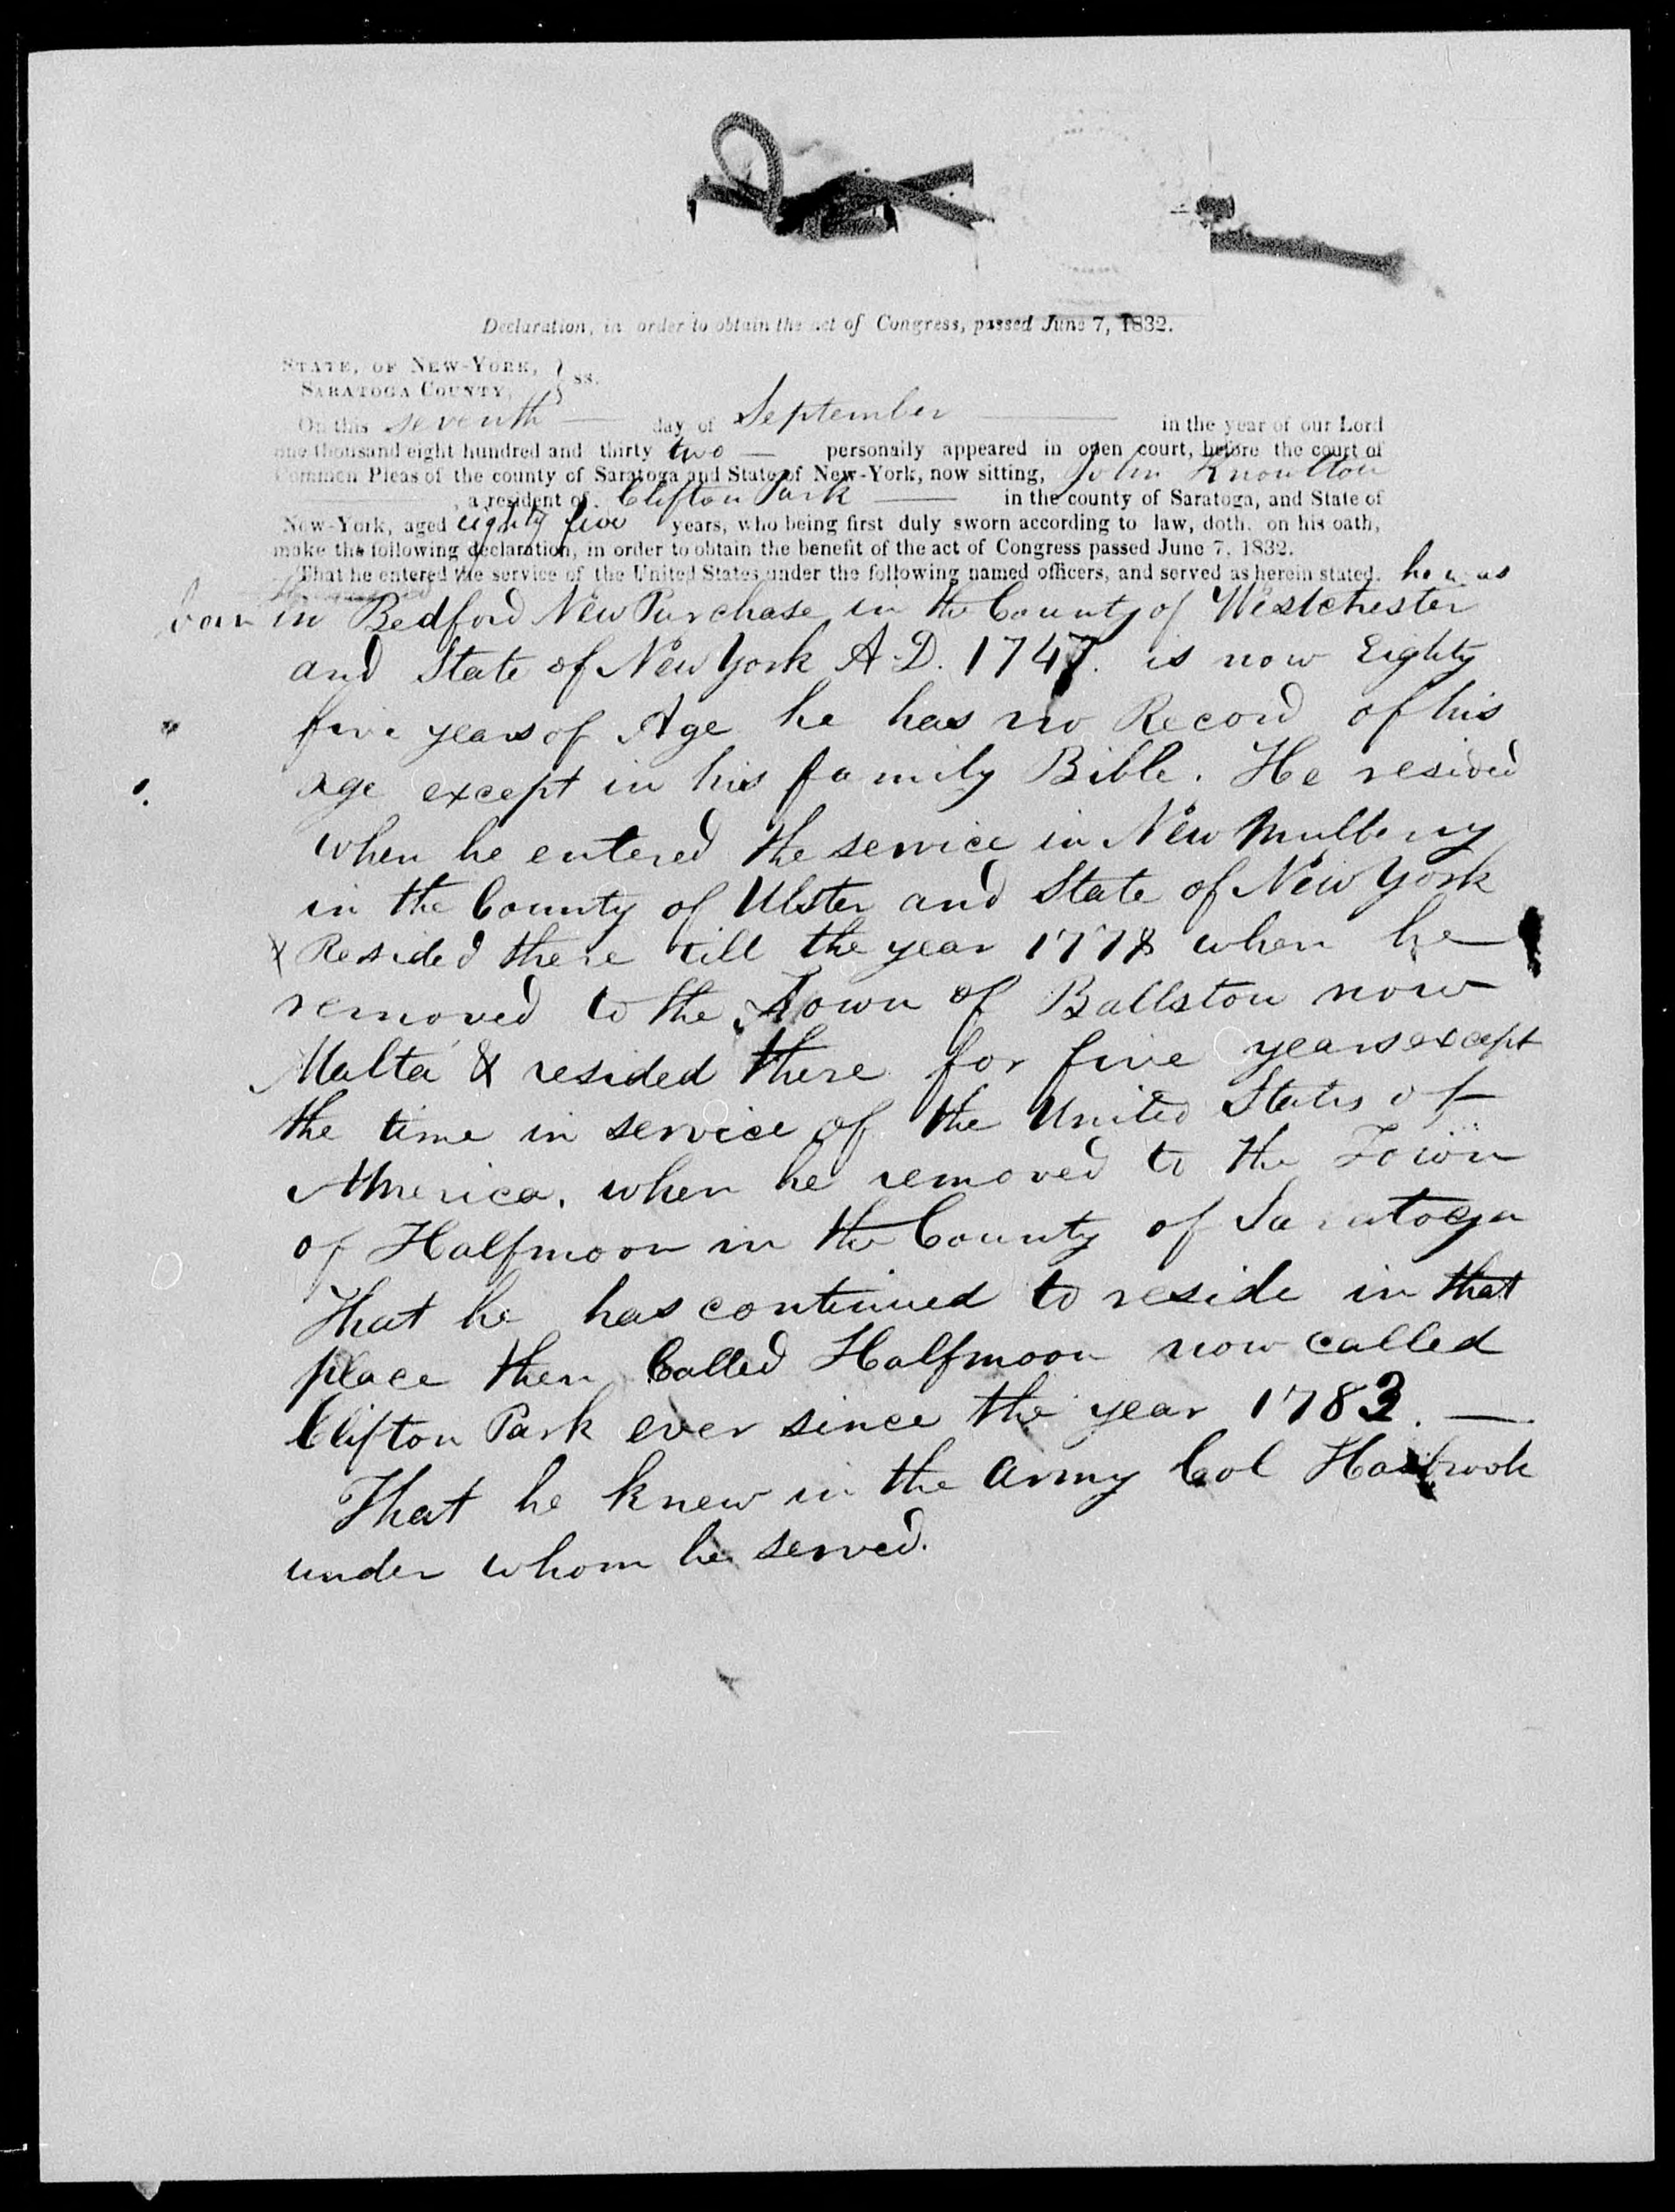Declaration, or for to obtain the act of Congress, passed June 7, 1832.
STATE OF NEW YORK,
SARATOGA COUNTY,
SS.
On  this seventh day of September in
the year of our Lord one thousand eight hundred and thirty two --
personally appeared in open court, before the court of Common Pleas of the county of Saratoga and State of New-York, now sitting, John Knowlton
--resident of Clifton Park--in
the county of Saratoga, and State of
New-York, aged eighty five years, who being first duly sworn according to law, doth, on his oath, make the following declaration, in order to obtain the benefit of the act of Congress passed June 7, 1832.
That he entered the service of the United States under the following named officers, and served as herein stated.  He was born  in Bedford New Purchase in the County of Westchester and State of New York A.D. 1747 is now Eighty five years of Age he has no record of his age except in his family Bible. He resided
when he entered the service in New Mulberry in the County of Ulster and State of New York Resided there till the year 1778 when he removed to the town of Ballston now Walter & resided there for five years except
the time in service of the United States of America, when he removed to the Town of Halfmoon in the County of Saratoga That he has continued to reside in that place then called Halfmoon now called Clifton Park ever since the year 1783. 
---
That he knew in the Army Col Hasbrook under whom he served.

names: Clifton Park; John Knowlton; [BLANK] Halbrook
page: 8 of 25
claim: survivor's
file: S. 13668, for John Knowlton, New York